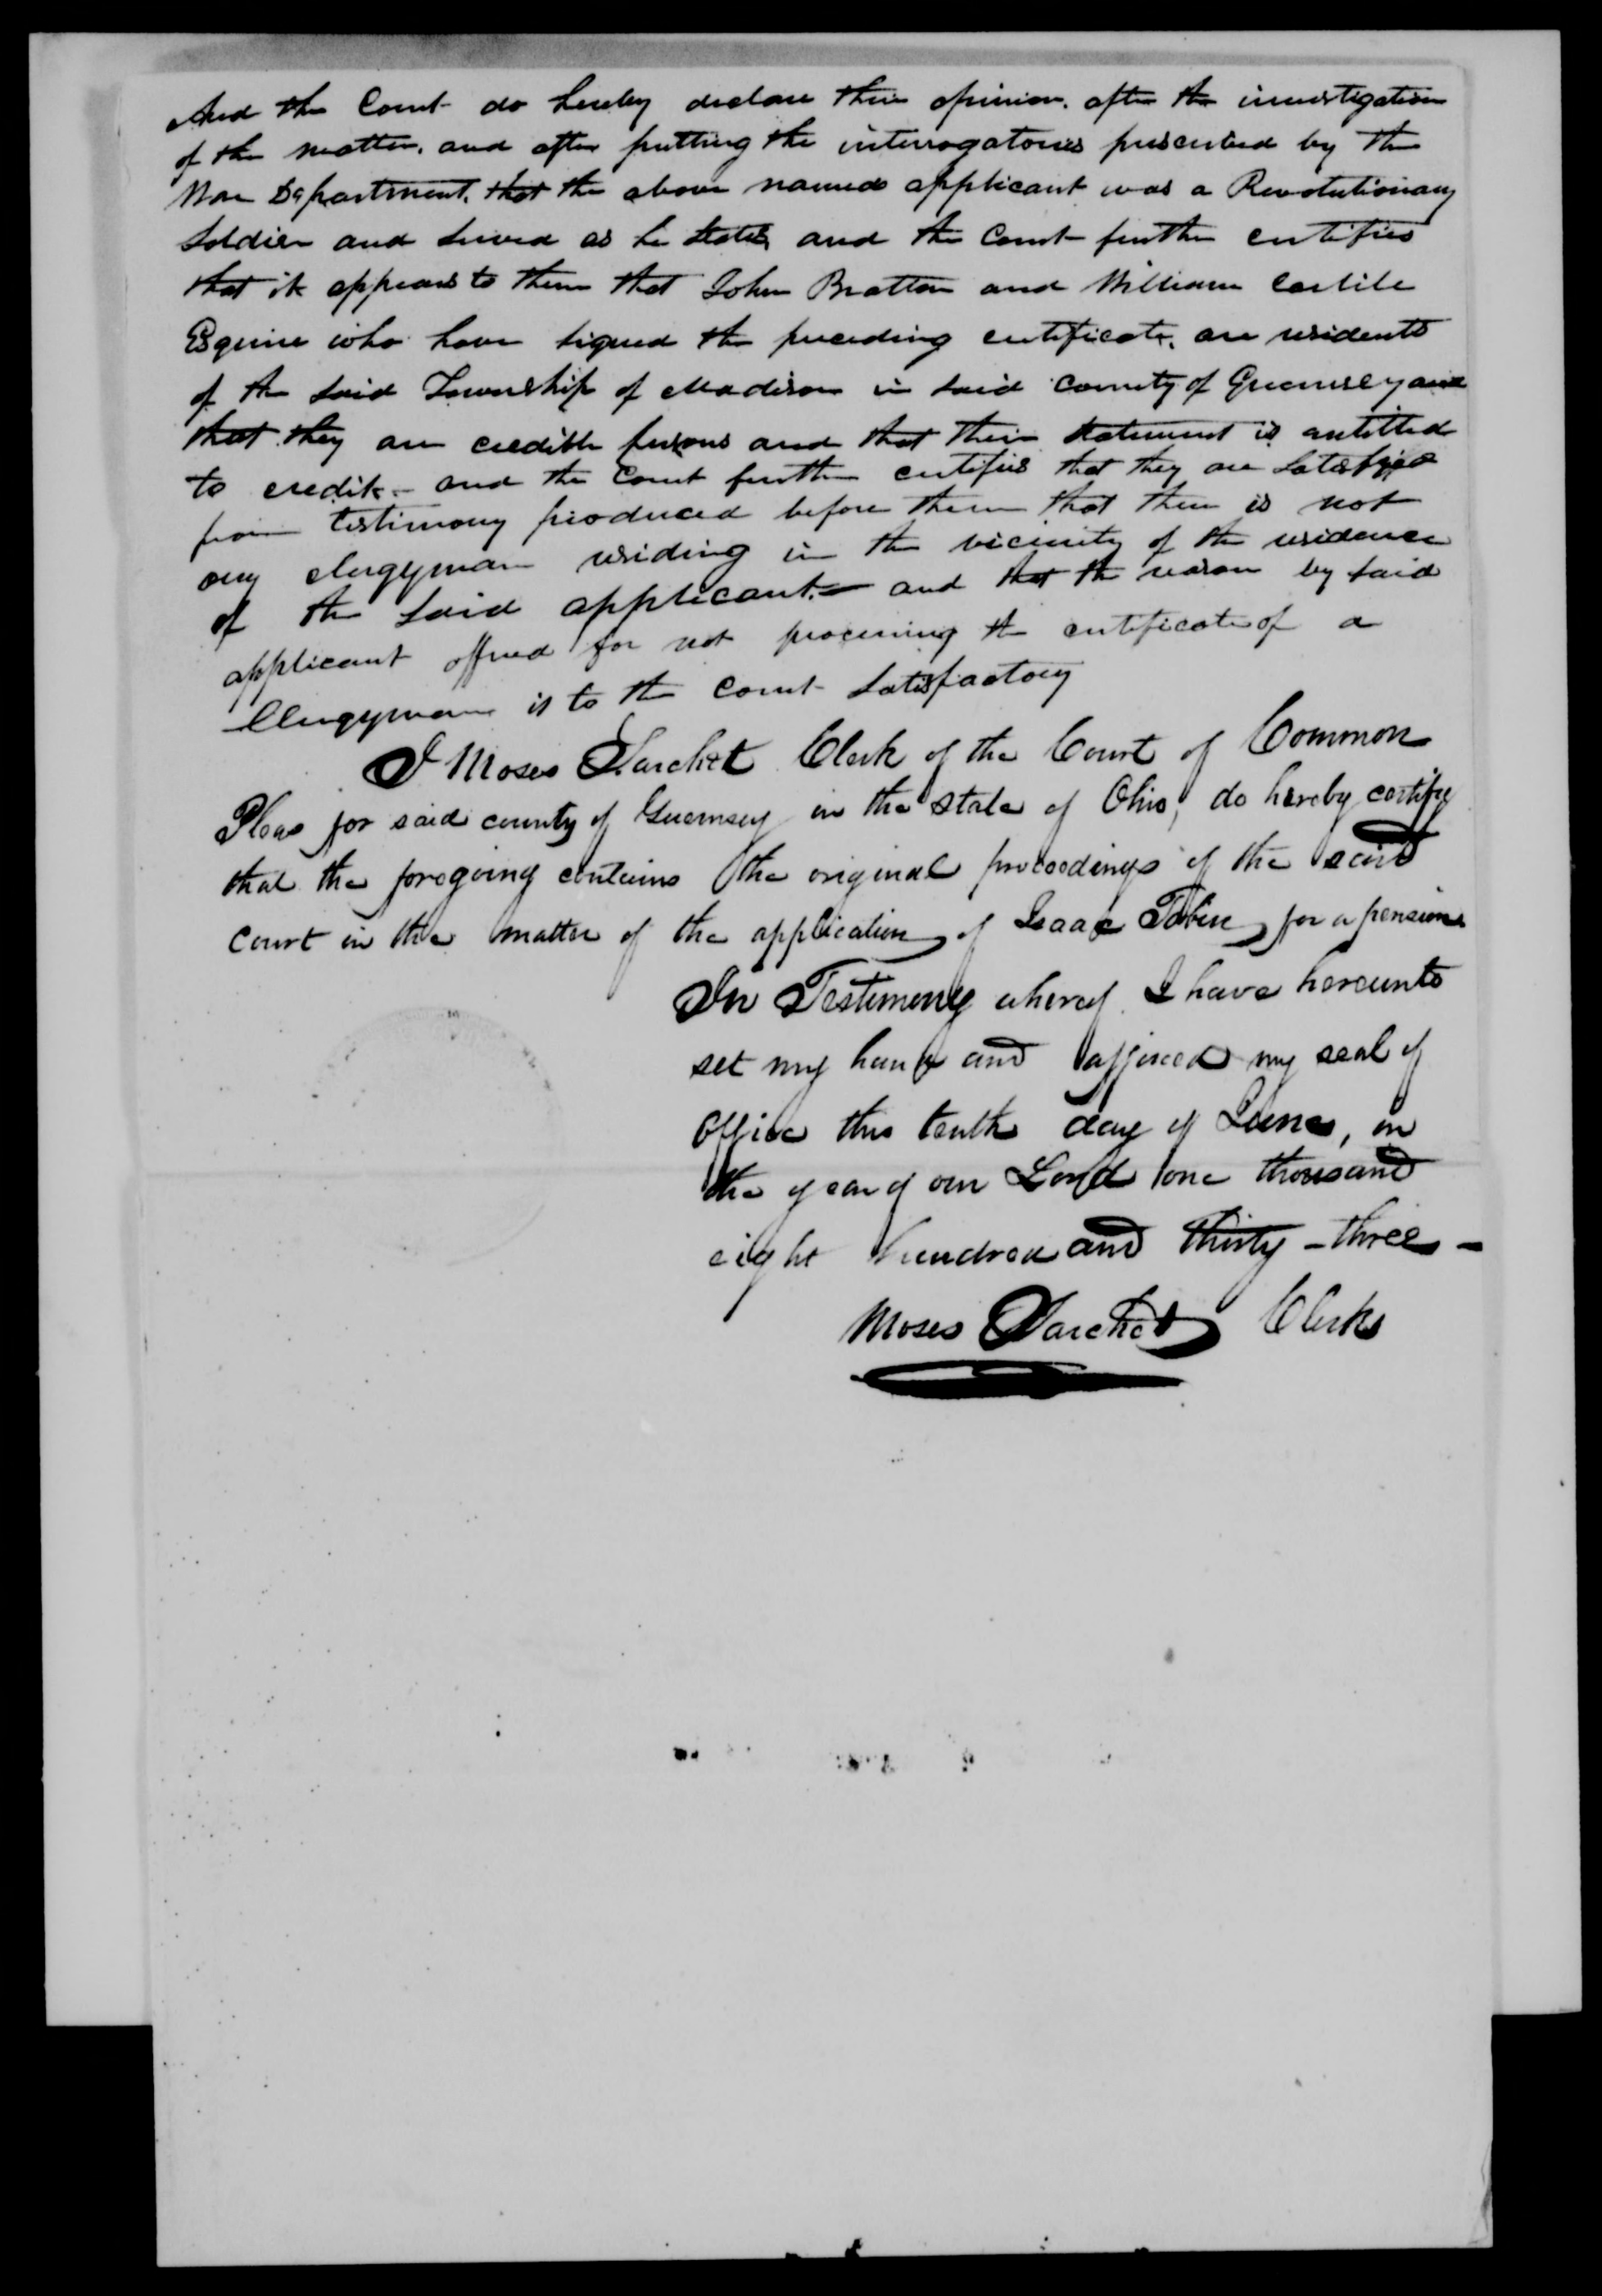And the court do hereby declare their opinion after the investigation 
of the matter, and after putting the interrogatories prescribed by the 
War Department, that the above named applicant was a Revolutionary 
Soldier and Served as he States and the Court further certifies
that it appears to them that John Bratton and William Carlile
Esquire who have Signed the preceding certificate our residents 
of the Said Township of Madison in said county of Guernsey and 
that they are credible persons and that their statement is entitled 
to credit and the Court further certifies that they are Satisfied 
from testimony produced before them that there is not 
any clergyman residing in the vicinity of the residence 
of the said applicant and that the reason by said 
applicant offered for not procuring the certificate of a 
clergyman is to the court Satisfactory 
I Moses Sarchet Clerk of the Court of Common 
Pleas for said county of Guernsey in the state of Ohio, do hereby certify 
that the foregoing contains the original proceedings of the said 
Court in the matter of the application of Isaac Tobin for a pension.

(Seal of Office) [very faint]

In testimony whereof I have hereunto 
set in my hand and affixed my seal of 
Office this tenth day of June in 
the year of our Lord one thousand 
eight hundred and thirty three
Moses Sarchet Clerk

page: 10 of 25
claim: survivor's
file: S. 6258, for Isaac Tobin, New Jersey